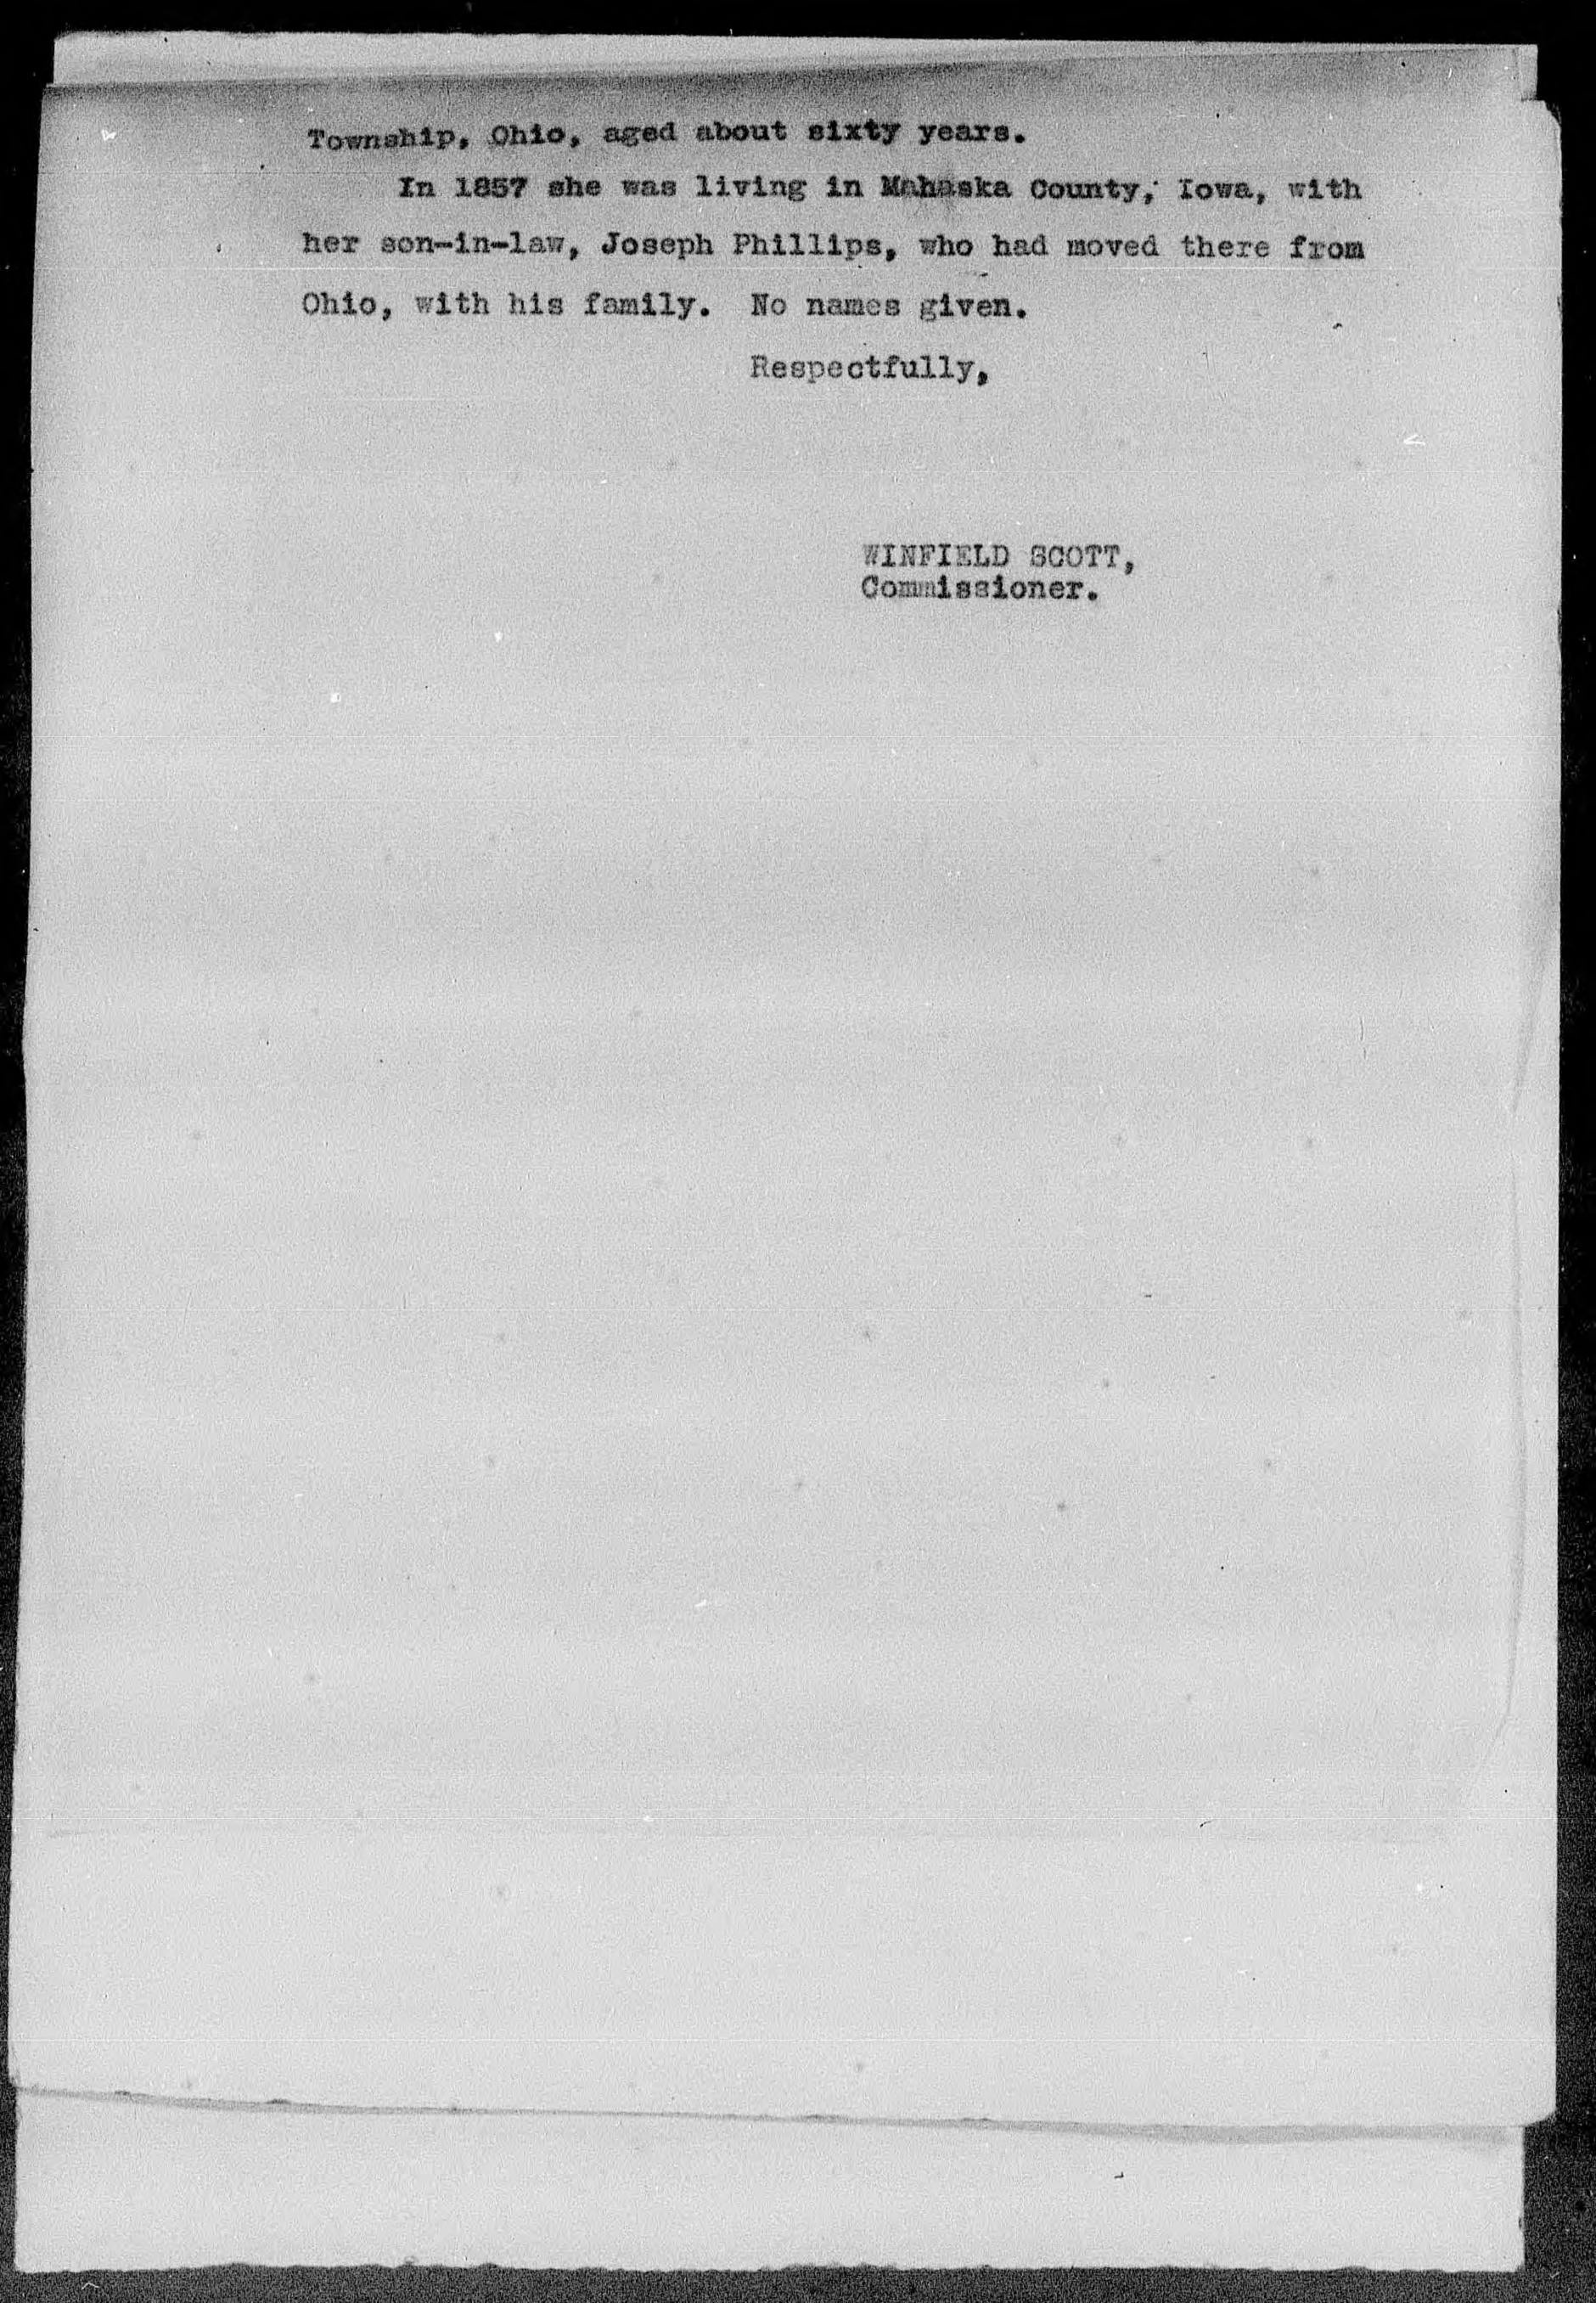Township, Ohio, aged about sixty years.
In 1857 she was living in Mahaska County, Iowa, with her son-in-law, Joseph Phillips, who had moved there from Ohio, with his family. No names given.
Respectfully,
WINFIELD SCOTT,
Commissioner.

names: Winfield Scott, Joseph Phillips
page: 75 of 80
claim: widow's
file: W 2070, John Crawford, Penn.